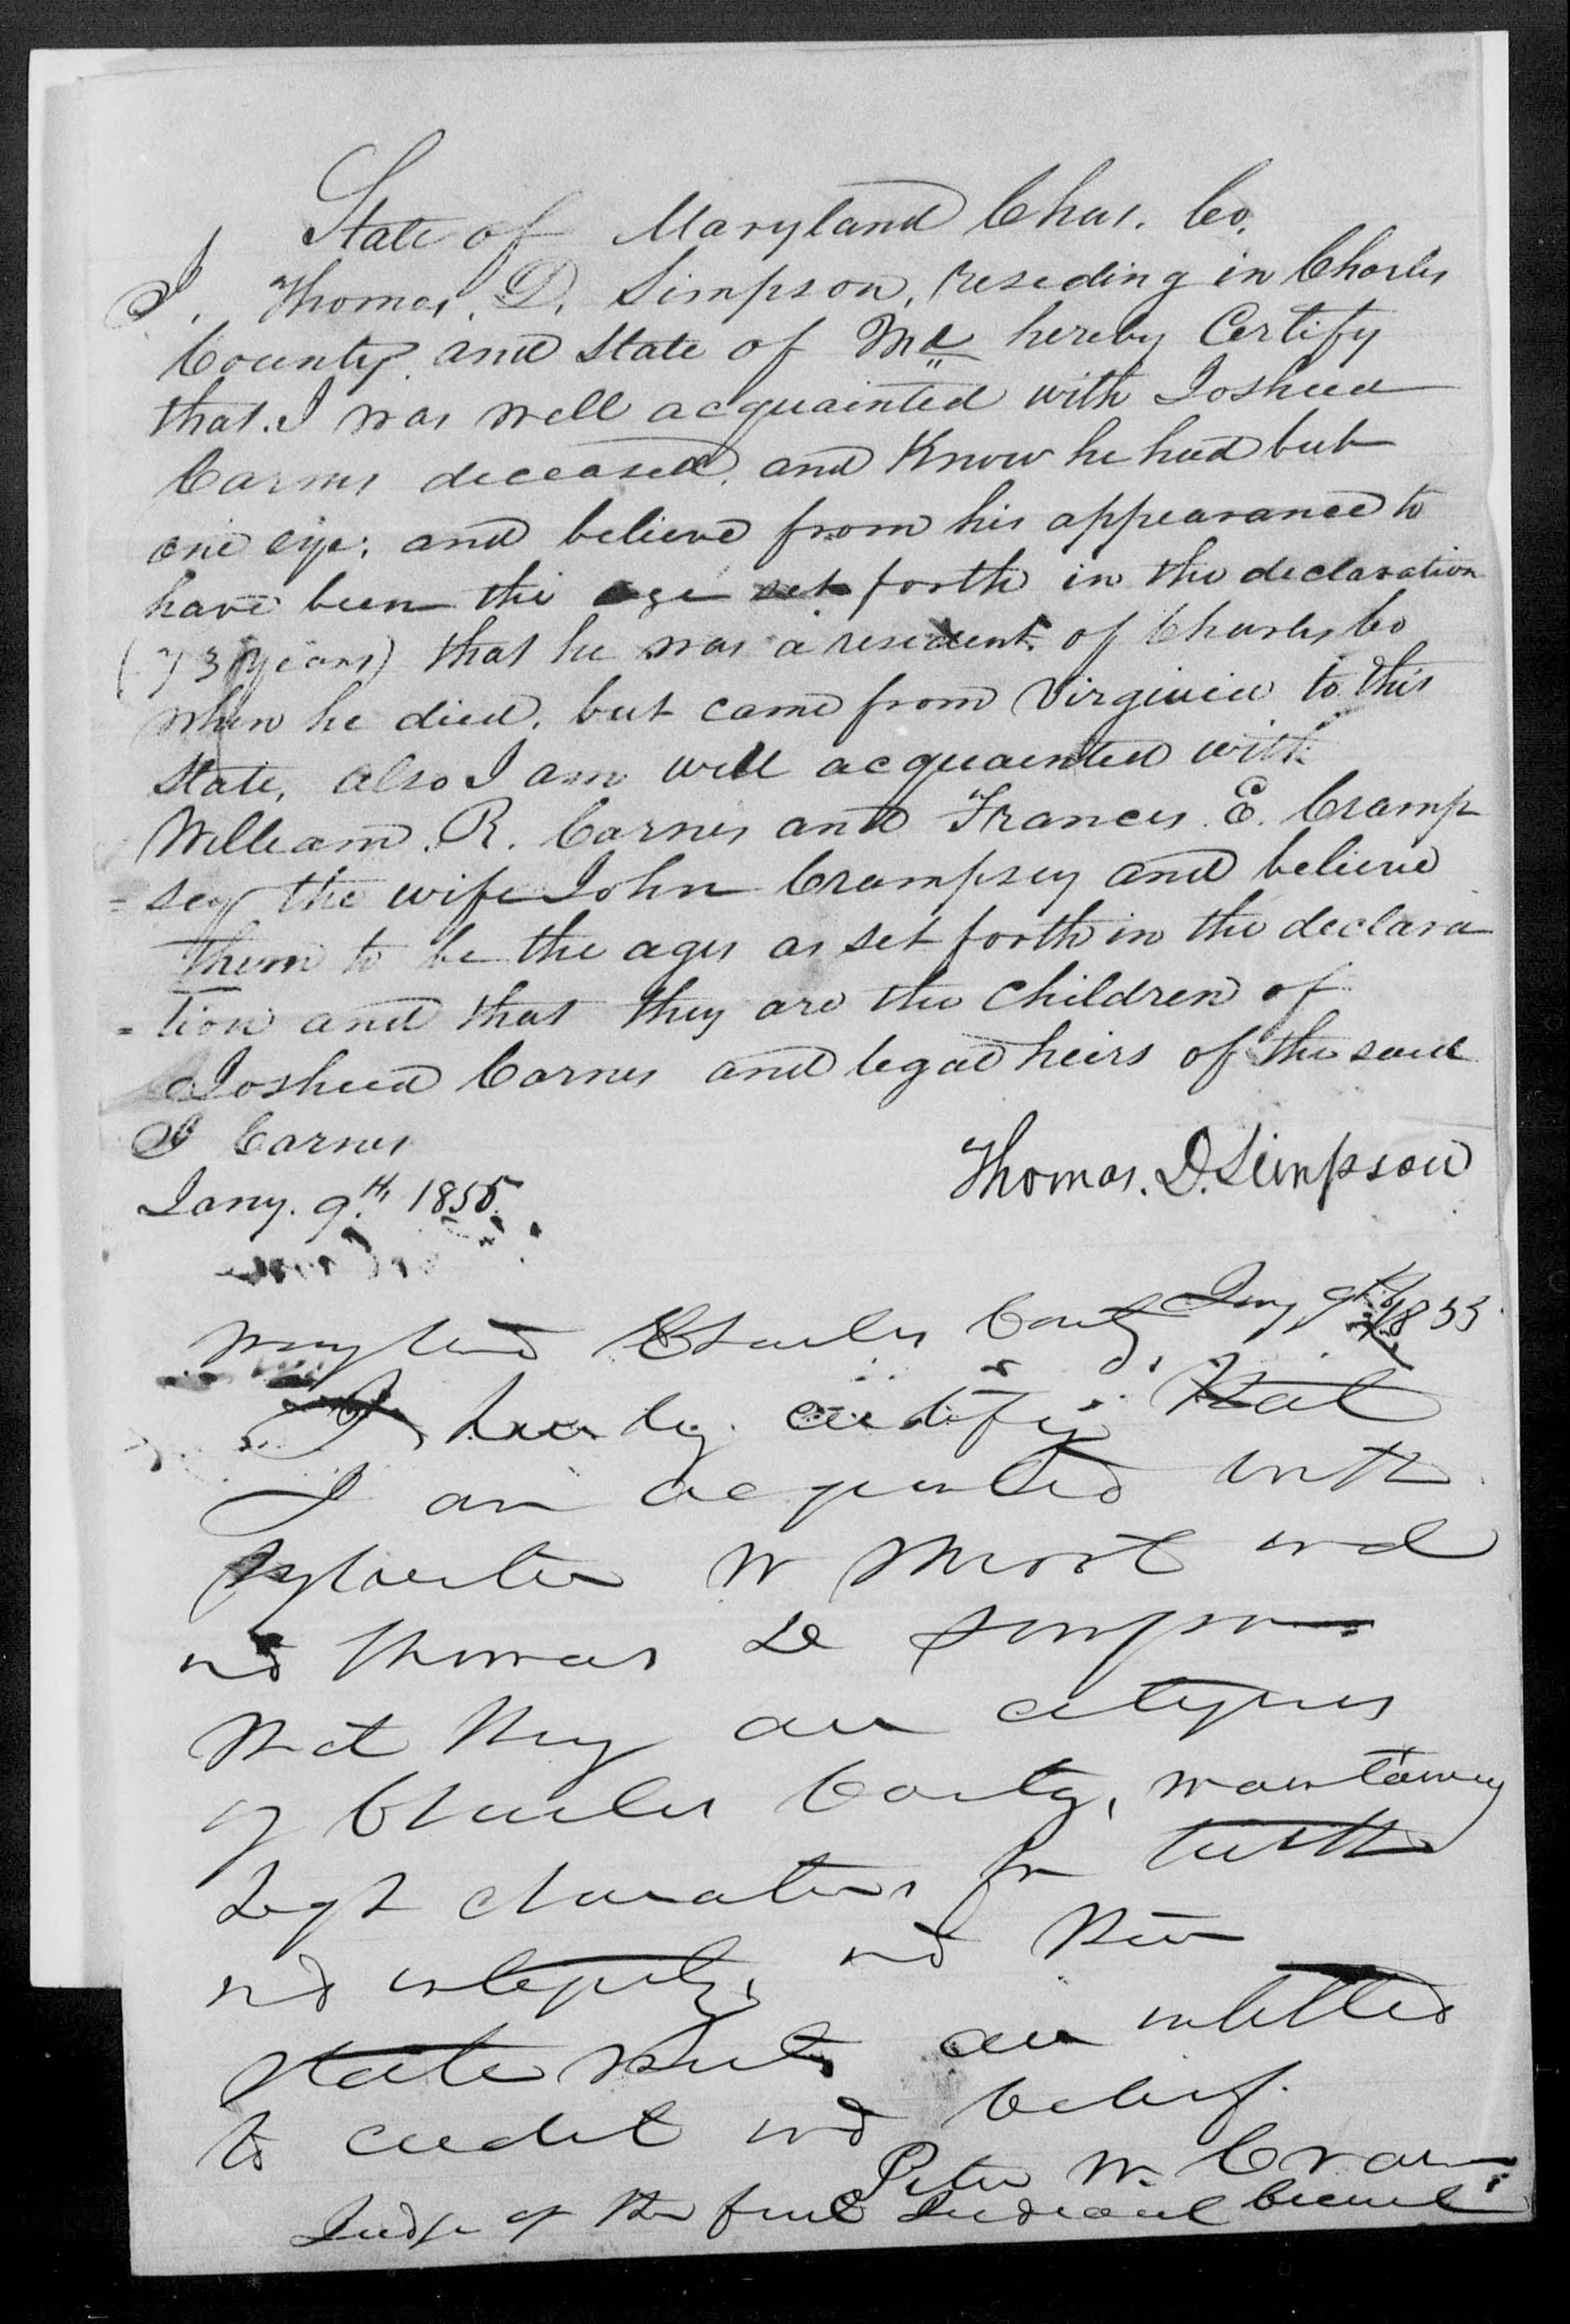State of Maryland Char. Co.
I Thomas D. Simpson, residing in Charles County and State of Md hereby certify that I was well acquainted with Joshua Carnes deceased, and know he had but one eye and believe from his appearance to have been the age fourth in the declaration (73 years) that he was a resident of Charles Co when he died, but came from Virginia to this State. Also I am well acquainted with William R. Carnes and Frances E, Crampsey the wife John Crampsey and believe them to be the ages as set forth in the declaration and that they are the children of Joshua Carnes and legal heirs of the said J Carnes. 
Jany. 9th 1856		
Thomas D. Simpson
Maryland Charles County Jany 9 1855
I hereby certify that I am acquainted with Sylvester W. Smoot and Thomas D. Simpson that they are citizens of Charles County, maintaining[?] [illegible] character for truth and integrity and  their[?] statements are entitled to credit and belief.
Peter W. Crain Judge of the First Judicial Circuit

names: Peter W Crain, J Carnes, William R Carnes, Francis E Cramp, Thomas D Simpson, John Crampsey, Thomas D Simpson, Thomas D Simpson, Joshua Carnes, Joshua Carnes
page: 5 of 22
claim: rejected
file: R 1709, Joshua Carnes, Va.